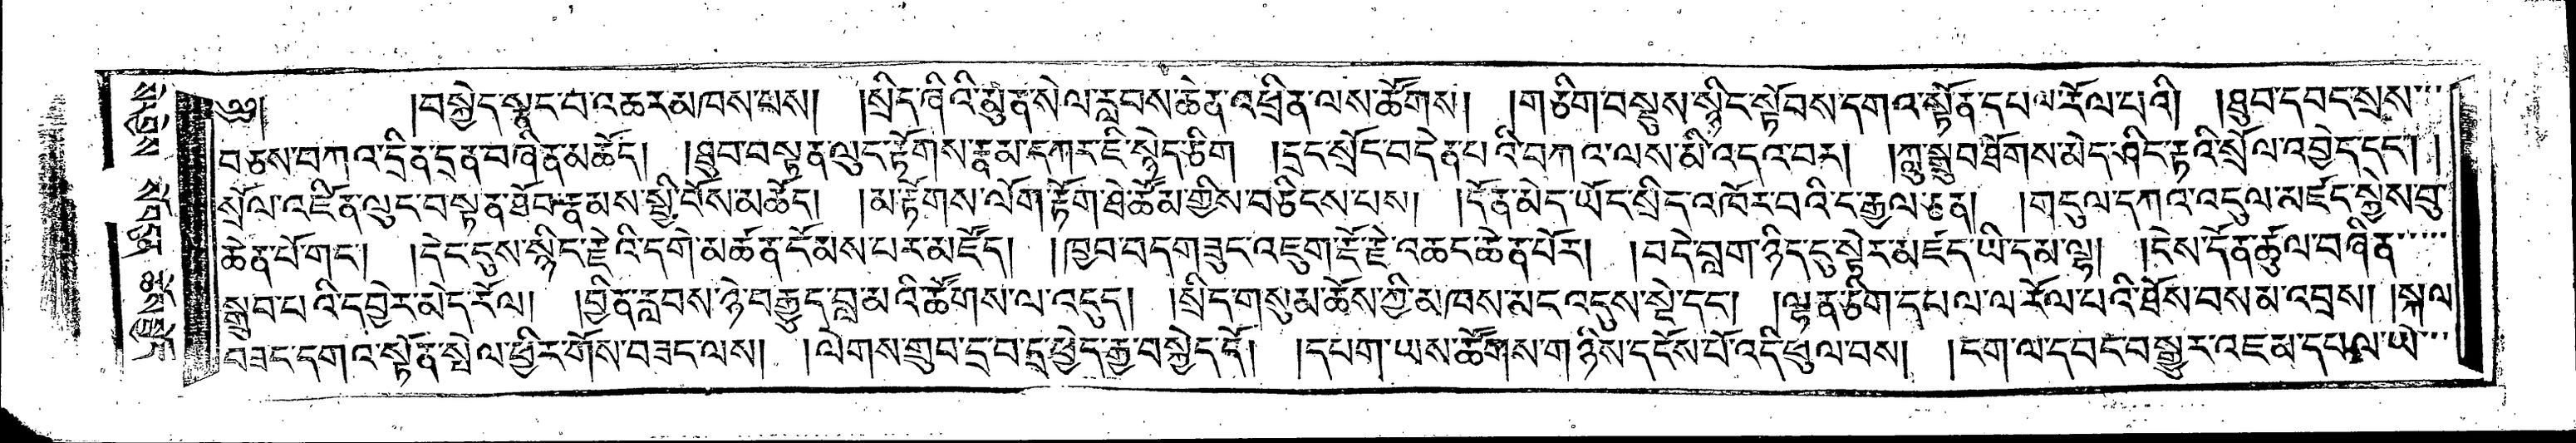༄༅། །བསྐྱེད་སྣང་བ་འཆར་མཁས་པས། །སྲིད་ཞིའི་མུན་སེལ་རླབས་ཆེན་འཕྲིན་ལས་ཚོགས། །གཅིག་བསྡུས་སྙིང་སྟོབས་དགའ་སྟོན་དཔལ་རོལ་པའི། །ཐུབ་དབང་སྲས་
བཅས་བཀའ་དྲིན་དྲན་བཞིན་མཆོད། །ཐུབ་བསྟན་ལུང་རྟོགས་རྣམ་དཀར་ཇི་སྙེད་ཅིག །དྲང་སྲོང་བདེན་པའི་བཀའ་ལས་མི་འདའ་བར། །ཀླུ་སྒྲུབ་ཐོགས་མེད་ཤིང་རྟའི་སྲོལ་འབྱེད་དང་། །
སྲོལ་འཛིན་ལུང་བསྟན་ཐོབ་རྣམས་སྦྱི་བོས་མཆོད། །མ་རྟོགས་ལོག་རྟོག་ཐེ་ཚོམ་གྱིས་བཅིངས་པས། །དོན་མེད་ཡོང་སྲིད་འཁོར་བའི་ང་རྒྱལ་ཅན། །གདུལ་དཀའ་འདུལ་མཛད་སྐྱེས་བུ་
ཆེན་པོ་གང་། །དེང་དུས་སྙིང་རྗེའི་དགེ་མཚན་དོམས་པར་མཛོད། །ཁྱབ་བདག་གཟུང་འཇུག་རྡོ་རྗེ་འཆང་ཆེན་པོར། །བདེ་བླག་ཉིད་དུ་སྟེར་མཛད་ཡི་དམ་ལྷ། །ངེས་དོན་ཚུལ་བཞིན་
སྒྲུབ་པའི་དབྱེར་མེད་རོལ། །བྱིན་རླབས་ཉེ་བརྒྱུད་བླ་མའི་ཚོགས་ལ་འདུད། །སྲིད་གསུམ་ཆོས་ཀྱི་མཁས་མང་འདུས་སྡེ་དང་། །ལྷན་ཅིག་དཔལ་ལ་རོལ་པའི་ཐོས་བསམ་འབྲས། །སྐལ་
བཟང་དགའ་སྟོན་སྤེལ་ཕྱིར་གོས་བཟང་ལས། །ལེགས་གྲུབ་དྲ་བ་དྲ་ཕྱེད་རྒྱ་བསྐྱེད་དོ། །དཔག་ཡས་ཚོགས་གཉིས་དངོས་པོ་འདི་ཕུལ་བས། །ངག་ལ་དབང་བསྒྱུར་འཇམ་དཔལ་ཡེ་